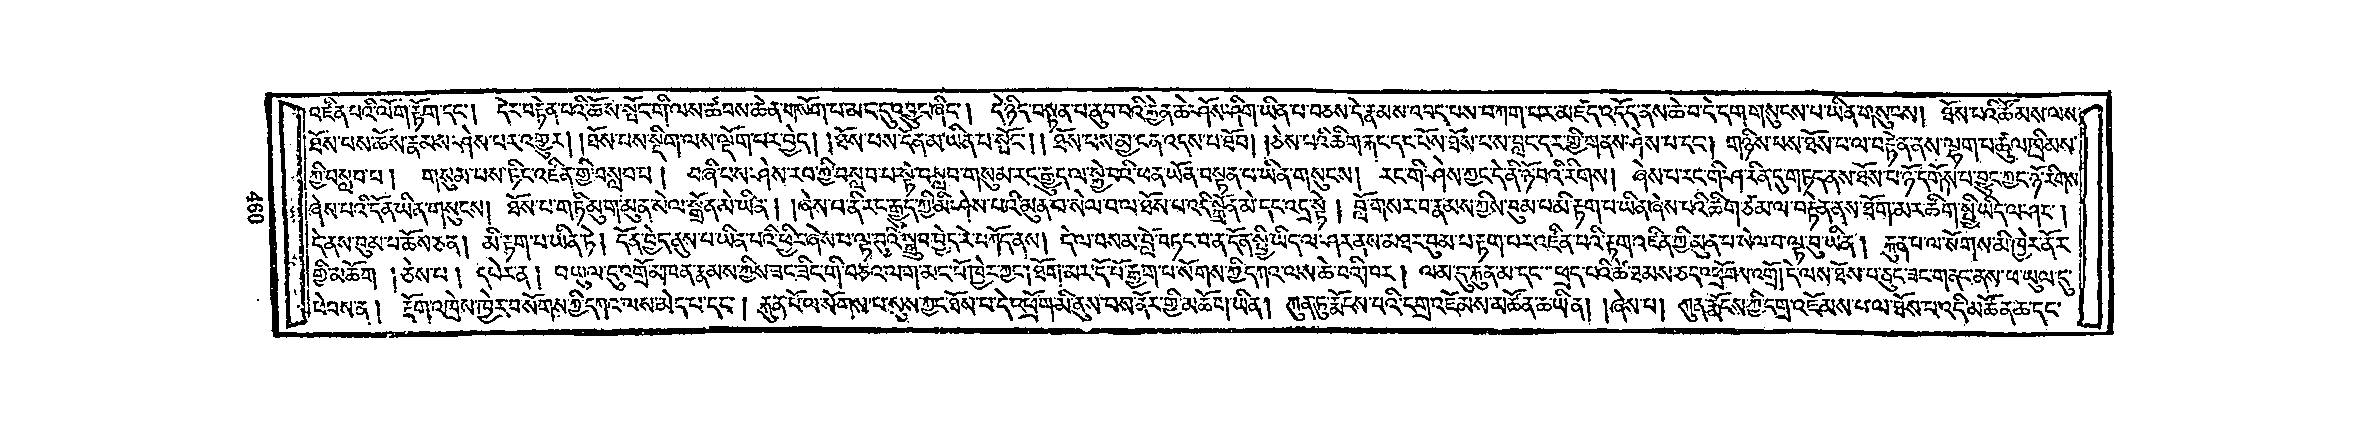འཛིན་པའི་ལོག་རྟོག་དང་། དེར་བརྟེན་པའི་ཆོས་སྤོང་གི་ལས་ཚབས་ཆེན་གསོག་པ་མང་དུ་འབྱུང་ཞིང་། དེ་ཉིད་བསྟན་པ་ནུབ་པའི་རྐྱེན་ཆེ་ཤོས་ཤིག་ཡིན་པ་བཅས་དེ་རྣམས་འབད་པས་བཀག་པར་མཛད་འདོད་ནས་ཆེ་བ་དེ་དག་གསུངས་པ་ཡིན་གསུངས། ཐོས་པའི་ཚོམས་ལས་
ཐོས་པས་ཆོས་རྣམས་ཤེས་པར་འགྱུར། །ཐོས་པས་སྡིག་ལས་ལྡོག་པར་བྱེད། །ཐོས་པས་དོན་མ་ཡིན་པ་སྤོང་། །ཐོས་པས་མྱ་ངན་འདས་པ་ཐོབ། །ཅེས་པའི་ཚིག་རྐང་དང་པོས་ཐོས་པས་བླང་དར་གྱི་གནས་ཤེས་པ་དང་། གཉིས་པས་ཐོས་པ་ལ་བརྟེན་ནས་ལྷག་པ་ཚུལ་ཁྲིམས་
ཀྱི་བསླབ་པ། གསུམ་པས་ཏིང་འཛིན་གྱི་བསླབ་པ། བཞི་པས་ཤེས་རབ་ཀྱི་བསླབ་པ་སྟེ་བསླབ་གསུམ་རང་རྒྱུད་ལ་སྐྱེ་བའི་ཕན་ཡོན་བསྟན་པ་ཡིན་གསུངས། རང་གི་ཤེས་ཀྱང་དེ་ནི་ཉོ་བའི་རིགས། ཞེས་པ་རང་གི་ཤ་རིན་དུ་གཏད་ནས་ཐོས་པ་ཉོ་དགོས་པ་བྱུང་ཀྱང་ཉོ་རིགས་
ཞེས་པའི་དོན་ཡིན་གསུངས། ཐོས་པ་གཏི་མུག་མུན་སེལ་སྒྲོན་མེ་ཡིན། །ཞེས་པ་ནི་རང་རྒྱུད་ཀྱི་མི་ཤེས་པའི་མུན་པ་སེལ་བ་ལ་ཐོས་པ་འདི་སྒྲོན་མེ་དང་འདྲ་སྟེ། བློ་གསར་པ་རྣམས་ཀྱིས་བུམ་པ་མི་རྟག་པ་ཡིན་ཞེས་པའི་ཚིག་ཙམ་ལ་བརྟེན་ནས་ཐོག་མར་ཚིག་སྤྱི་ཡིད་ལ་ཤར།
དེ་ནས་བུམ་པ་ཆོས་ཅན། མི་རྟག་པ་ཡིན་ཏེ། དོན་བྱེད་ནུས་པ་ཡིན་པའི་ཕྱིར་ཞེས་པ་ལྟ་བུའི་སྒྲུབ་བྱེད་རེ་བཀོད་ནས། དེ་ལ་བསམ་བློ་བཏང་བ་ན་དོན་སྤྱི་ཡིད་ལ་ཤར་ནས་མཐར་བུམ་པ་རྟག་པར་འཛིན་པའི་རྟག་འཛིན་ཀྱི་མུན་པ་སེལ་བ་ལྟ་བུ་ཡིན། རྐུན་པ་ལ་སོགས་མི་ཁྱེར་ནོར་
གྱི་མཆོག །ཅེས་པ། དཔེར་ན། བ་ཡུལ་དུ་འགྲོ་མཁན་རྣམས་ཀྱིས་ཟང་ཟིང་གི་བཅའ་ལག་མང་པོ་ཁྱེར་ཀྱང་། ཐོག་མར་དོ་པོ་རྒྱག་པ་སོགས་ཀྱི་དཀའ་ལས་ཆེ་བའི་ཁར། ལམ་དུ་རྐུན་མ་དང་ཕྲད་པའི་ཚེ་ཐམས་ཅད་འཕྲོགས་འགྲོ། དེ་ལས་ཐོས་པ་ཅུང་ཟད་གནང་ནས་ཕ་ཡུལ་དུ་
ཕེབས་ན། རྡོག་འཁྲེས་ཁྱེར་བ་སོགས་ཀྱི་དཀའ་ལས་མེད་པ་དང་། རྐུན་པོ་ལ་སོགས་པ་སུས་ཀྱང་ཐོས་པ་དེ་འཕྲོག་མི་ནུས་པས་ནོར་གྱི་མཆོག་ཡིན། ཀུན་ཏུ་རྨོངས་པའི་དགྲ་འཇོམས་མཚོན་ཆ་ཡིན། །ཞེས་པ། ཀུན་རྨོངས་ཀྱི་དགྲ་འཇོམས་པ་ལ་ཐོས་པ་འདི་མཚོན་ཆ་དང་